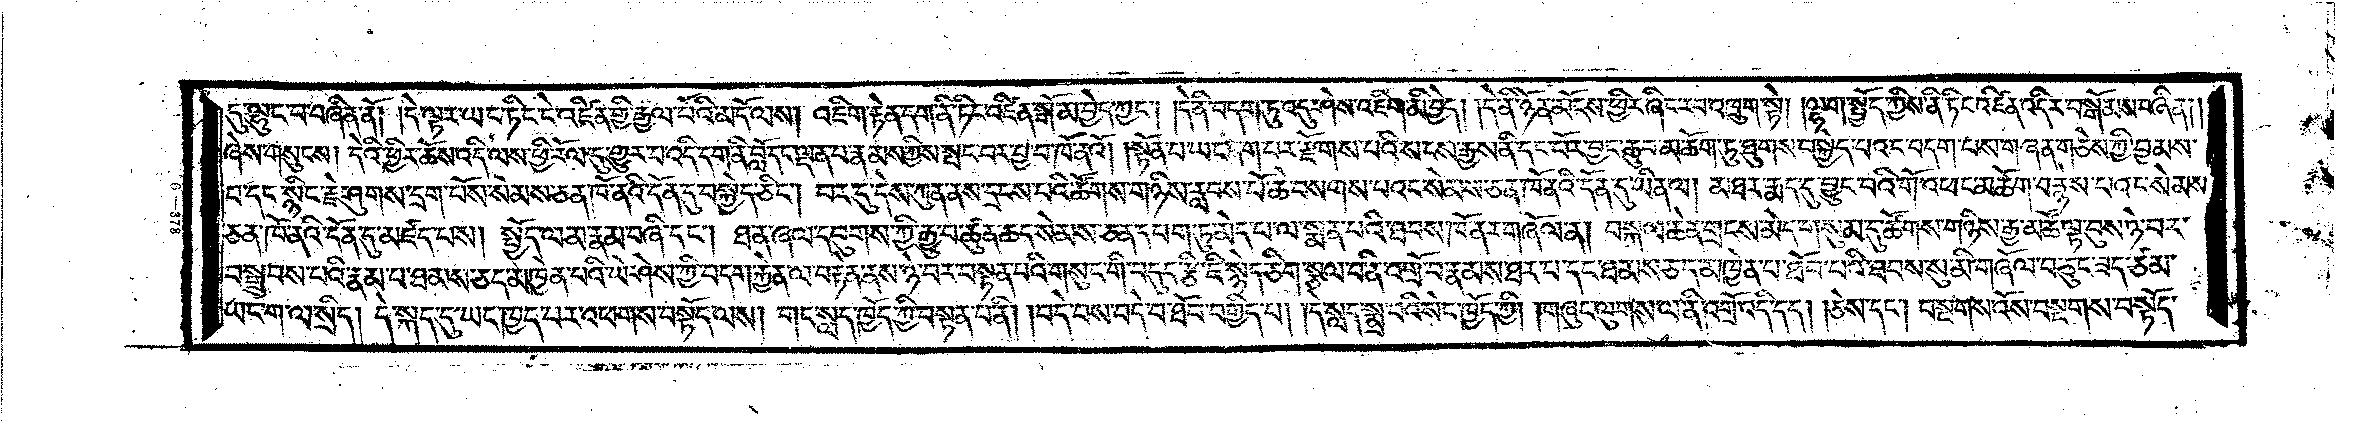དུ་ལྷུང་བ་བཞིན་ནོ། །དེ་ལྟར་ཡང་ཏིང་ངེ་འཛིན་གྱི་རྒྱལ་པོའི་མདོ་ལས། འཇིག་རྟེན་དག་ནི་ཏིང་འཛིན་སྒོམ་བྱེད་ཀྱང་། །དེ་ནི་བདག་ཏུ་འདུ་ཤེས་འཇིག་མི་བྱེད། །དེ་ནི་ཉོན་མོངས་ཕྱིར་ཞིང་རབ་འཁྲུག་སྟེ། །ལྷག་སྤྱོད་ཀྱིས་ནི་ཏིང་འཛིན་འདིར་བསྒོམས་བཞིན། །
ཞེས་གསུངས། དེའི་ཕྱིར་ཆོས་འདི་ལས་ཕྱི་རོལ་དུ་གྱུར་པ་འདི་དག་ནི་བློ་དང་ལྡན་པ་རྣམས་ཀྱིས་སྤང་བར་བྱ་བ་ཁོ་ནའོ། །སྟོན་པ་ཡང་དག་པར་རྫོགས་པའི་སངས་རྒྱས་ནི་དང་པོར་བྱང་ཆུབ་མཆོག་ཏུ་ཐུགས་བསྐྱེད་པའང་བདག་པས་གཞན་གཅེས་ཀྱི་བྱམས་
བ་དང་སྙིང་རྗེ་ཤུགས་དྲག་པོས་སེམས་ཅན་ཁོ་ནའི་དོན་དུ་བསྐྱེད་ཅིང་། བར་དུ་དེས་ཀུན་ནས་དྲངས་པའི་ཚོགས་གཉིས་རླབས་པོ་ཆེ་བསགས་པའང་སེམས་ཅན་ཁོ་ནའི་དོན་དུ་ཡིན་ལ། མཐར་རྨད་དུ་བྱུང་བའི་གོ་འཕང་མཆོག་བརྙེས་པའང་སེམས་
ཅན་ཁོ་ནའི་དོན་དུ་མཛད་པས། སྤྱོད་ལམ་རྣམ་བཞི་དང་། ཐ་ན་ཞལ་དབུགས་ཀྱི་རྒྱུ་བ་ཚུན་ཆད་སེམས་ཅན་དཔག་ཏུ་མེད་པ་ལ་སྨན་པའི་ཐབས་ཁོ་ནར་གཞོལ་ན། བསྐལ་ཆེན་གྲངས་མེད་གསུམ་དུ་ཚོགས་གཉིས་རྒྱ་མཚོ་ལྟ་བུས་ཉེ་བར་
བསྒྲུབས་པའི་རྣམ་པ་ཐམས་ཅད་མཁྱེན་པའི་ཡེ་ཤེས་ཀྱི་བདག་རྐྱེན་ལ་བརྟེན་ནས་ཉེ་བར་བསྟན་པའི་གསུང་གི་བདུད་རྩི་ཇི་སྙེད་ཅིག་སྩལ་བ་ནི་འགྲོ་བ་རྣམས་ཐར་པ་དང་ཐམས་ཅད་མཁྱེན་པ་ཐོབ་པའི་ཐབས་སུ་མི་གཞོལ་བ་ཅུང་ཟད་ཙམ་
ཡང་ག་ལ་སྲིད། དེ་སྐད་དུ་ཡང་ཁྱད་པར་འཕགས་བསྟོད་ལས། གང་སླད་ཁྱོད་ཀྱི་བསྟན་པ་ནི། །བདེ་བས་བདེ་བ་ཐོབ་བགྱིད་པ། །དེ་སླད་སྨྲ་བའི་སེང་ཁྱོད་ཀྱི། །གཞུང་ལུགས་ལ་ནི་འགྲོ་འདི་དད། །ཅེས་དང་། བསྔགས་འོས་བསྔགས་བསྟོད་